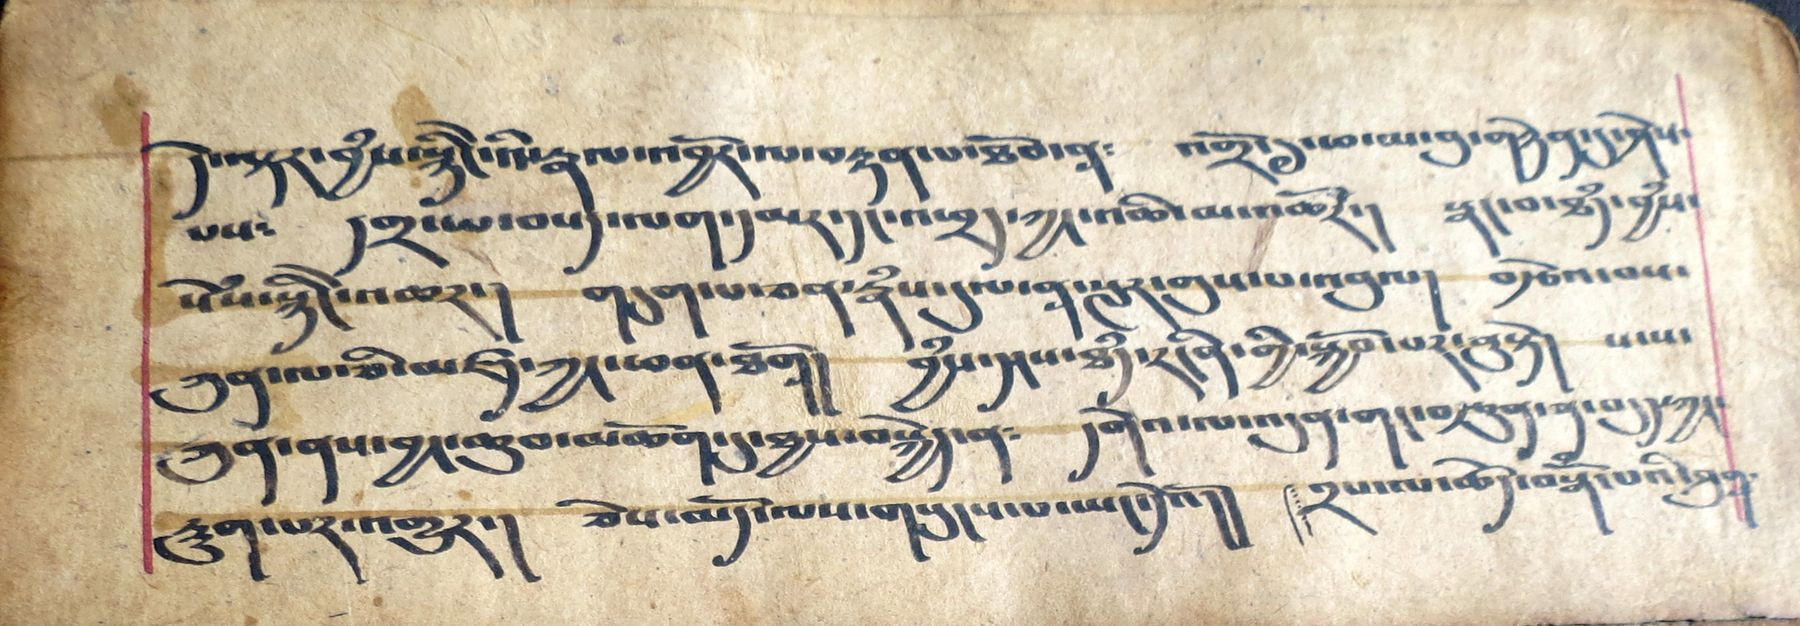དེ་ལྟར་བྱམས་སྙིང་རྗེའི་རྣལ་འབྱོར་ལ། བརྟན་པ་ཐོབ་ན། འགྲོ་དྲུག་ཕ་མ་བུ་གཉེན་དུ་ཤེས་
པས། དགྲ་ཕ་བསད་ལག་དམར་དང་འཕྲད་ཀྱང་མཆི་མ་འཆོར། སྣང་བ་ཐམས་ཅད་ལ་བྱམས་
སེམས་སྙིང་པས་རྗེ་རུ་འཆར། གདུག་པ་ཅན་རྣམས་དུལ་ནས་སླར་གུས་པ་འབུལ། བརྩེ་བས་
ཀུན་ནས་ཅི་མཛད་ཀྱང་ཕན་ཐོགས། བྱམས་པས་ཐམས་ཅད་རང་བཞིན་གྱིས་སྐྱོབ་པར་ནུས་ཏེ། ས་པ་
ཀུན་ནས་བྱང་ཆུབ་མཆོག་ཏུ་སེམས་བསྐྱེད་དང་། དགེ་ལ་འདུན་སྤྱོད་གང་བརྩོན་འཆི་བདག་བདུད་ཀྱང་
རྡུག་པར་འགྱུར། ཅེས་མདོ་ལས་གསུངས་པ་ཡང་དེའོ། ། གཉིས་པ་ལ་༼སེམས་བསྐྱེད་པའི་ཚུལ༽ཚད་མེད་སྒོམ་པའི་ཤུགས་